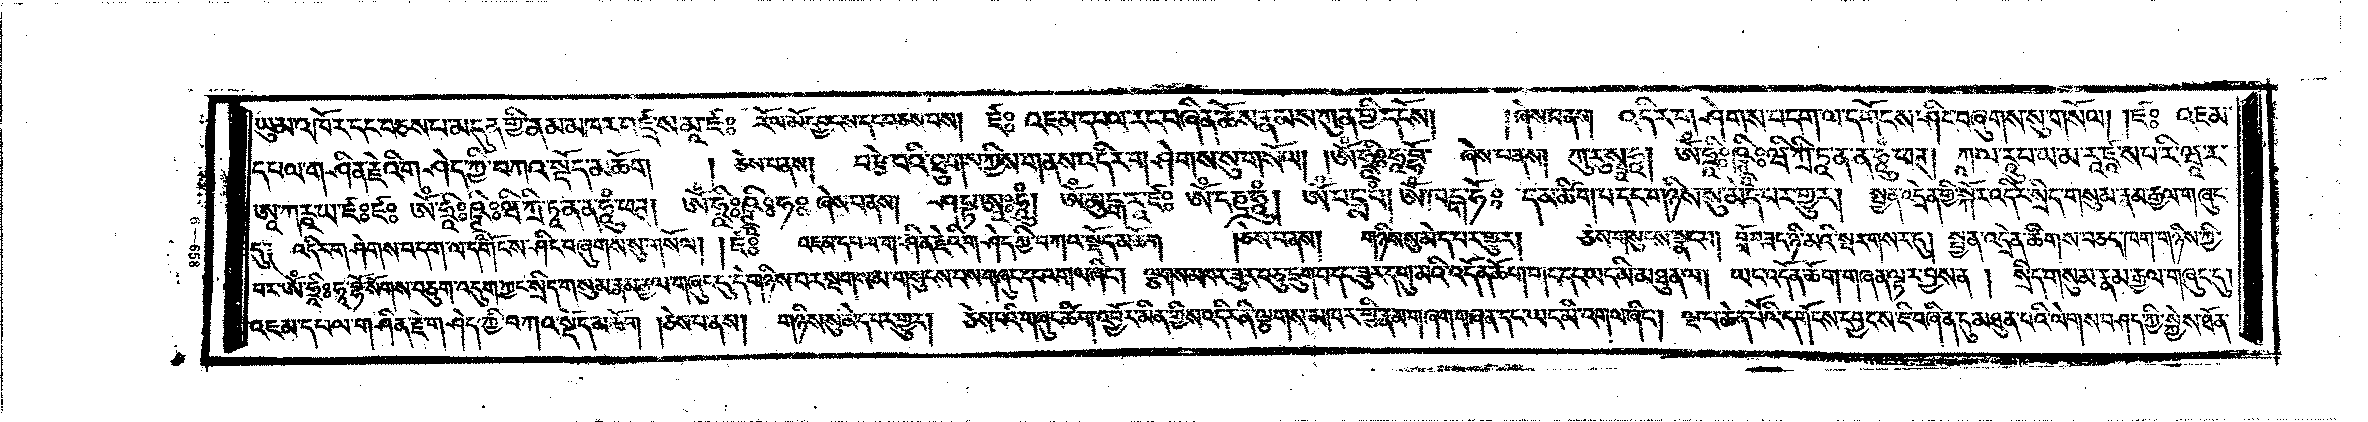ཡུམ་འཁོར་དང་བཅས་པ་མདུན་གྱི་རྣམ་མཁར་བཛྲ་ས་མཱ་ཛཿ རོལ་མོ་དབྱངས་དང་བཅས་པས།  ཛཿ འཇམ་དཔལ་རང་བཞིན་ཆོས་རྣམས་ཀུན་གྱི་དངོས། །ཞེས་པ་ནས།  འདིར་གཤེགས་པ་བདག་ལ་དགོངས་ཤིང་བཞུགས་སུ་གསོལ། །ཛཿ འཇམ་
དཔལ་གཤིན་རྗེའི་གཤེད་ཀྱི་བཀའ་སྡོད་མཆོག་།ཆེས་པ་ནས།  བརྩེ་བར་ཐུགས་ཀྱིས་གནས་འདིར་གཤེགས་སུ་གསོལ། །ཨོཾ་ཧྲཱིཿཧཱ་བྷྱོ། ཞེས་པ་ནས།  ཀུ་རུ་སྭཱཧཱ། ཨོཾ་ཧྲཱིཿཥྚིཿཝི་ཀྲི་ཏཱ་ན་ན་ཧཱུཾ་ཕད། ཀཱ་ལ་རཱུ་པ་ཡ་མ་རཱ་ཛཱ་ས་པ་རི་ཝཱ་ར་
ཨཱ་ཀརྵ་ཡ་ཛཿཛཿ ཨོཾ་ཧྲཱིཿཥྚིཿཝི་ཀྲི་ཏཱ་ན་ན་ཧཱུཾ་ཕད། ཨོཾ་ཧྲཱིཿཥྚཱིཿཧཿཞེས་པ་ནས།  ཤཔྟ་ཨཱཿཧཱུཾ། ཨོཾ་མུངྒ་རཱ་ཛཿ ཨོཾ་དཎྜ་ཧཱུཾ། ཨོཾ་པདམ་བཾ། ཨོཾ་ཁངྒ་ཧོཿ དམ་ཚིག་པ་དང་གཉིས་སུ་མེད་པར་གྱུར། སྤྱན་འདྲེན་གྱི་སྐོར་འདིར་སྲིད་གསུམ་རྣམ་རྒྱལ་གཞུང་
དུ༑ འདིར་གཤེགས་བདག་ལ་དགོངས་ཤིང་བཞུགས་སུ་གསོལ། །ཛཿ འཇམ་དཔལ་གཤིན་རྗེའི་གཤེད་ཀྱི་བཀའ་སྡོད་མཆོག་།ཅེས་པ་ནས།  གཉིས་སུ་མེད་པར་གྱུར། ཅེས་གསུངས་པ་སྣང་བ། བློ་བཟང་ཉི་མའི་སྤར་གསར་དུ། སྤྱན་འདྲེན་ཚིགས་བཅད་ཁག་གཉིས་ཀྱི་
བར་ཨོཾ་ཧྲཱིཿཧཱ་བྷོ་སོགས་བཅུག་འདུག་ཀྱང་སྲིད་གསུམ་རྣམ་རྒྱལ་གཞུང་དུ་དེ་གཉིས་པར་སྔགས་མ་གསུངས་པས་གཞུང་དང་འགལ་ཞིང་། ལྕགས་མཐར་ཟུར་བཅུ་དྲུག་པ་དང་ཟུར་དགུ་མའི་འདོན་ཆོག་གང་དང་ཡང་མི་མཐུན་པ། ཡང་འདོན་ཆོག་གཞན་ལྟར་བྱས་ན། །སྲིད་གསུམ་རྣམ་རྒྱལ་གཞུང་དུ།
འཇམ་དཔལ་གཤིན་རྗེ་གཤེད་ཀྱི་བཀའ་སྡོད་མཆོག །ཅེས་པ་ནས། གཉིས་སུ་མེད་པར་གྱུར། ཅེས་པའི་གཞུང་ཚིག་འབྱོར་མིན་གྱིས་འདིར་ནི་ལྕགས་མཁར་གྱི་རྣམ་གཞག་གཞན་དང་ཡང་མི་འགལ་ཞིང་། ལྔ་པ་ཆེན་པོའི་དགོངས་དབྱངས་ཇི་བཞིན་དུ་མཐུན་པའི་ལེགས་བཤད་ཀྱི་སྐྱེས་ཐོན་